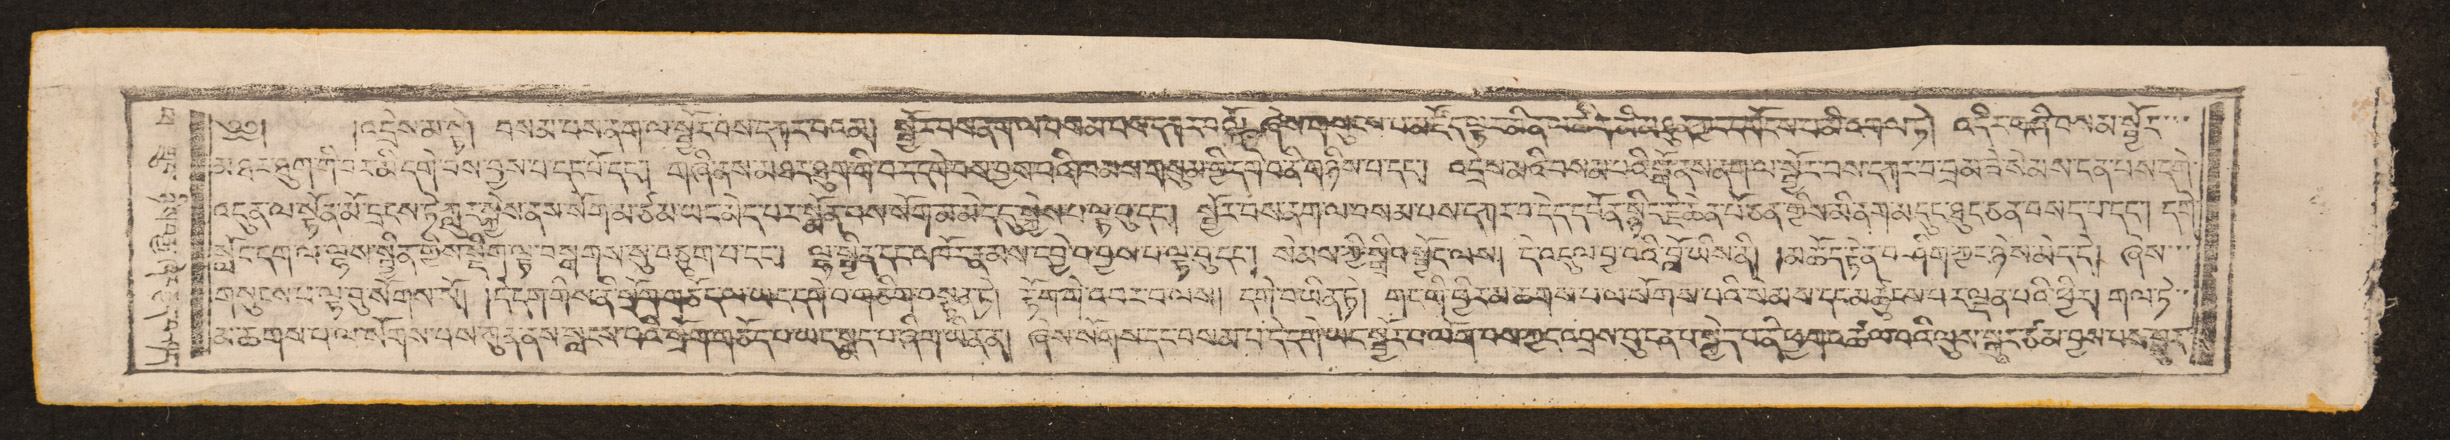༄༅། །འདྲེས་མ་སྟེ། བསམ་པས་ནག་ལ་སྦྱོར་བས་དཀར་བའམ། སྦྱོར་བས་ནག་ལ་བསམ་པས་དཀར་བའོ། ཞེས་གསུངས་པ་མཛོད་ལྟར་མིན་ལ་ཚིག་མི་མཐུན་ཀྱང་དགོངས་པ་མི་འགལ་ཏེ། འདིར་གཞི་བསམ་སྦྱོར་
མཐར་ཐུག་གི་བར་མི་དགེ་བས་བྱས་པ་དང་པོ་དང་། གཞི་ནས་མཐར་ཐུག་གི་བར་དགེ་བས་བྱས་པའི་ཁམས་གསུམ་གྱི་དགེ་བ་ནི་གཉིས་པ་དང་། འདྲེས་མའི་བསམ་པའི་སྒོ་ནས་ནག་ལ་སྦྱོར་བས་དཀར་བ་བྲམ་ཟེ་སེམས་ངན་པས་དགེ་
འདུན་ལ་སྟོན་མོ་དྲངས་ཏེ་ཀླུར་སྐྱེས་ནས་སོག་མ་ཙམ་ཡང་མེད་པར་སྨོན་པས་སོག་མ་མེད་དུ་སྐྱེས་པ་ལྟ་བུ་དང་། སྦྱོར་བས་ནག་ལ་བསམ་པས་དཀར་བ་དེད་དཔོན་སྙིང་རྗེ་ཆེན་པོ་ཅན་གྱིས་མི་ནག་མདུང་ཐུང་ཅན་བསད་པ་དང་། དགེ་
སློང་དག་ལ་ལྷས་སྦྱིན་གྱིས་སྡིག་ལྟ་བསྒགས་སུ་བཅུག་པ་དང་། ལྷ་སྦྱིན་དང་འཁོར་རྣམས་དབྱེ་བ་བྱས་པ་ལྟ་བུ་དང་། སེམས་ཀྱི་སྒྲིབ་སྦྱོང་ལས། དེ་འདུལ་བྱ་བའི་བློ་ཡིས་ནི། །མཆོད་རྟེན་བཤིག་ཀྱང་ཉེས་མེད་དེ། ཞེས་
གསུངས་པ་ལྟ་བུ་སོགས་སོ། །དེ་དག་གིས་ནི་སྲོག་གཅོད་ལ་ཡང་དགེ་བ་གཅིག་བསྟན་ཏེ། རྟོག་གེ་འབར་བ་ལས། དགེ་བ་ཡིན་ཏེ། གང་གི་ཕྱིར་མ་ཆགས་པ་ལ་སོགས་པའི་སེམས་དང་མཚུངས་པར་ལྡན་པའི་ཕྱིར། གལ་ཏེ་
མ་ཆགས་པ་ལ་སོགས་པས་ཀུན་ནས་སླངས་པའི་སྲོག་གཅོད་པ་ཡང་སྨད་པ་ཞིག་ཡིན་ན། ཞེས་སོགས་དང་བསམ་པ་དེ་དགེ་ཡང་སྦྱོར་བ་ལོག་པས་ཀྱང་འབྲས་བུ་ངན་པ་སྐྱེད་པ་ནི་ཕྱག་འཚལ་བའི་ལུས་སྒུར་ཙམ་བྱས་པས་སྒུར་